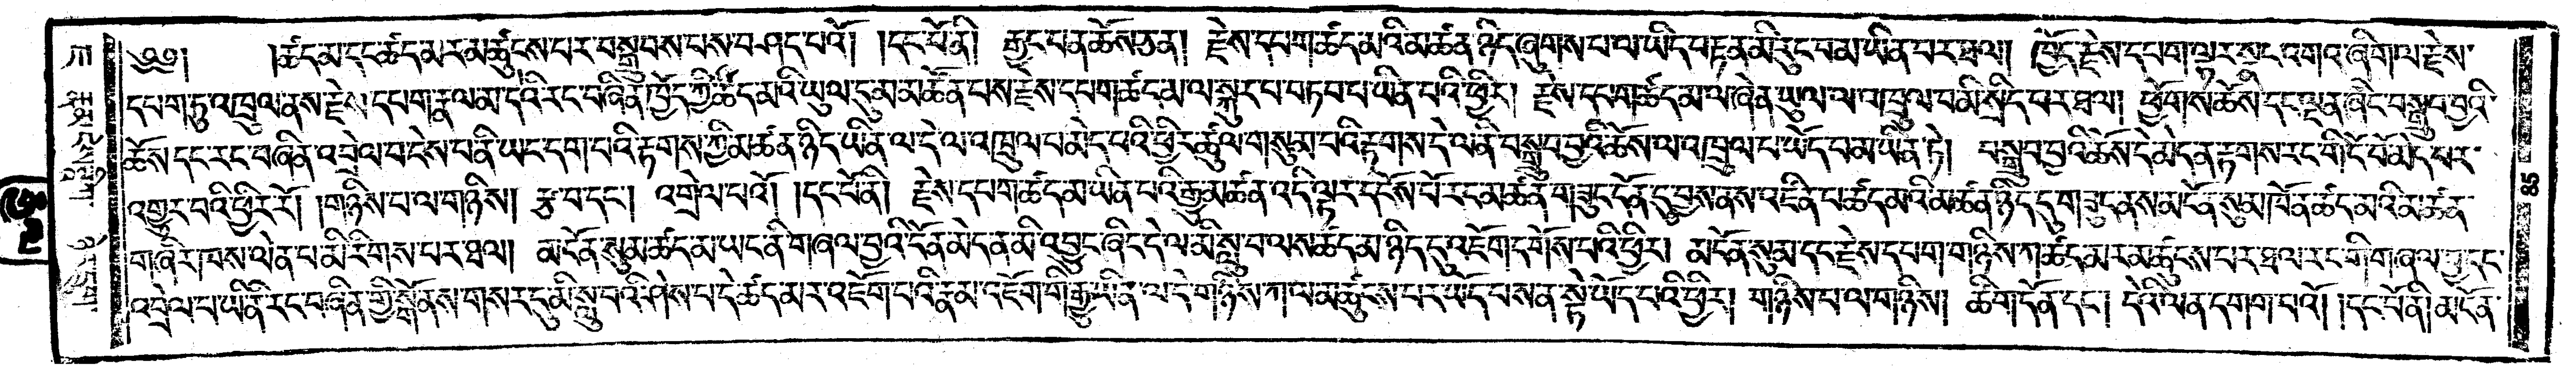༄༅། །ཚད་མ་དང་ཚད་མར་མཚུངས་པར་བསྒྲུབས་པས་བཤད་པའོ། །དང་པོ་ནི། རྒྱང་པན་ཆོས་ཅན། རྗེས་དཔག་ཚད་མའི་མཚན་ཉིད་ཞུགས་པ་ལ་ཡིད་བརྟན་མི་རུང་བ་མ་ཡིན་པར་ཐལ། ཁྱོད་རྗེས་དཔག་ལྟར་སྣང་འགའ་ཞིག་ལ་རྗེས་
དཔག་ཏུ་འཁྲུལ་ནས་རྗེས་དཔག་རྣལ་མ་དེའི་རང་བཞིན་ཁྱོད་ཀྱི་ཚད་མའི་ཡུལ་དུ་མ་མཚོན་པས་རྗེས་དཔག་ཚད་མ་ལ་སྐུར་པ་བཏབ་པ་ཡིན་པའི་ཕྱིར། རྗེས་དཔག་ཚད་མ་ལ་ཞེན་ཡུལ་ལ་འཁྲུལ་བ་མི་སྲིད་པར་ཐལ། ཕྱོགས་ཆོས་དང་ལྡན་ཞིང་བསྒྲུབ་བྱའི་
ཆོས་དང་རང་བཞིན་འབྲེལ་པ་ངེས་པ་ནི་ཡང་དག་པའི་རྟགས་ཀྱི་མཚན་ཉིད་ཡིན་ལ་དེ་ལ་འཁྲུལ་པ་མེད་པའི་ཕྱིར་ཚུལ་གསུམ་པའི་རྟགས་དེ་ལ་ནི་བསྒྲུབ་བྱའི་ཆོས་ལ་འཁྲུལ་པ་ཡོད་པ་མ་ཡིན་ཏེ། བསྒྲུབ་བྱའི་ཆོས་དེ་མེད་ན་རྟགས་རང་གི་ངོ་བོ་མེད་པར་
འགྱུར་བའི་ཕྱིར་རོ། །གཉིས་པ་ལ་གཉིས། རྩ་བ་དང་། འགྲེལ་པའོ། །དང་པོ་ནི། རྗེས་དཔག་ཚད་མ་ཡིན་པའི་རྒྱུ་མཚན་འདི་ལྟར་དངོས་པོ་རང་མཚན་གཟུང་དོན་དུ་བྱས་ནས་འཛིན་པ་ཚད་མའི་མཚན་ཉིད་དུ་གཟུང་ནས་མངོན་སུམ་ཁོ་ན་ཚད་མའི་མཚན་
གཞིར་ཁས་ལེན་པ་མི་རིགས་པར་ཐལ། མངོན་སུམ་ཚད་མ་ཡང་ནི་གཞལ་བྱའི་དོན་མེད་ན་མི་འབྱུང་ཞིང་དེ་ལ་མི་སླུ་བ་ལས་ཚད་མ་ཉིད་དུ་འཇོག་དགོས་པའི་ཕྱིར། མངོན་སུམ་དང་རྗེས་དཔག་གཉིས་ཀ་ཚད་མར་མཚུངས་པར་ཐལ་རང་གི་གཞལ་བྱ་དང་
འབྲེལ་པ་ཡི་ནི་རང་བཞིན་གྱི་སྒོ་ནས་གསར་དུ་མི་སླུ་བའི་ཤེས་པ་དེ་ཚད་མར་འཇོག་པའི་རྣམ་འཇོག་གི་རྒྱུ་ཡིན་ལ་དེ་གཉིས་ཀ་ལ་མཚུངས་པར་ཡོད་པས་ན་སྟེ་ཡོད་པའི་ཕྱིར། གཉིས་པ་ལ་གཉིས། ཚིག་དོན་དང་། དེའི་ལན་དགག་པའོ། །དང་པོ་ནི། མངོན་